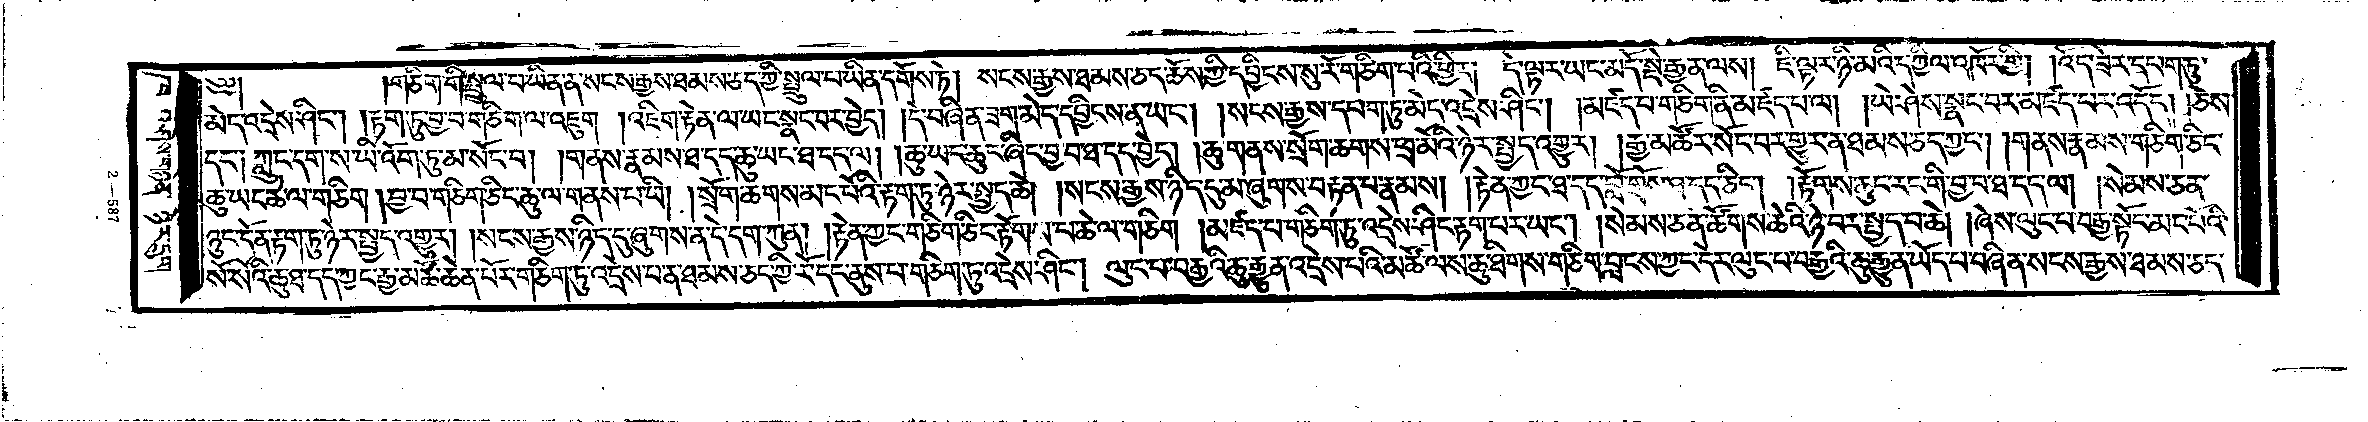༄༅། །གཅིག་གི་སྤྲུལ་པ་ཡིན་ན་སངས་རྒྱས་ཐམས་ཅད་ཀྱི་སྤྲུལ་པ་ཡིན་དགོས་ཏེ། སངས་རྒྱས་ཐམས་ཅད་ཆོས་ཀྱི་དབྱིངས་སུ་རོ་གཅིག་པའི་ཕྱིར། དེ་ལྟར་ཡང་མདོ་སྡེ་རྒྱན་ལས། ཇི་ལྟར་ཉི་མའི་དཀྱིལ་འཁོར་གྱི། །འོད་ཟེར་དཔག་ཏུ་
མེད་འདྲེས་ཤིང་། །རྟག་ཏུ་བྱ་བ་གཅིག་ལ་འཇུག །འཇིག་རྟེན་ལ་ཡང་སྣང་བར་བྱེད། །དེ་བཞིན་ཟག་མེད་དབྱིངས་ན་ཡང་། །སངས་རྒྱས་དཔག་ཏུ་མེད་འདྲེས་ཤིང་། །མཛད་པ་གཅིག་ནི་མཛད་པ་ལ། །ཡེ་ཤེས་སྣང་བར་མཛད་པར་འདོད། །ཅེས་
དང༑ ཀླུང་དག་ས་ཡི་འོག་ཏུ་མ་སོང་བ། །གནས་རྣམས་ཐ་དད་ཆུ་ཡང་ཐ་དད་ལ། །ཆུ་ཡང་ཆུང་ཞིང་བྱ་བ་ཐ་དད་བྱེད། །ཆུ་གནས་སྲོག་ཆགས་ཕྲ་མོའི་ཉེར་སྤྱད་འགྱུར། །རྒྱ་མཚོར་སོང་བར་གྱུར་ན་ཐམས་ཅད་ཀྱང་། །གནས་རྣམས་གཅིག་ཅིང་
ཆུ་ཡང་ཆེ་ལ་གཅིག །བྱ་བ་གཅིག་ཅིང་ཆུ་ལ་གནས་པ་ཡི། །སྲོག་ཆགས་མང་པོའི་རྟག་ཏུ་ཉེར་སྤྱད་ཆེ། །སངས་རྒྱས་ཉིད་དུ་མ་ཞུགས་བརྟན་པ་རྣམས། །རྟེན་ཀྱང་ཐ་དད་བློ་གྲོས་ཐ་དད་ཅིང་། །རྟོགས་ཆུང་རང་གི་བྱ་བ་ཐ་དད་ལ། །སེམས་ཅན་
ཉུང་དོན་རྟག་ཏུ་ཉེར་སྤྱད་འགྱུར། །སངས་རྒྱས་ཉིད་དུ་ཞུགས་ན་དེ་དག་ཀུན། །རྟེན་ཀྱང་གཅིག་ཅིང་རྟོགས་པ་ཆེ་ལ་གཅིག །མཛད་པ་གཅིག་ཏུ་འདྲེས་ཤིང་རྟག་པར་ཡང་། །སེམས་ཅན་ཚོགས་ཆེའི་ཉེ་བར་སྤྱད་པ་ཆེ། །ཞེས་ལུང་པ་བརྒྱ་སྟོང་མང་པོའི་
སོ་སོའི་ཆུ་ཐ་དད་ཀྱང་རྒྱ་མཚོ་ཆེན་པོར་གཅིག་ཏུ་འདྲེས་པ་ན་ཐམས་ཅད་ཀྱི་རོ་དང་ནུས་པ་གཅིག་ཏུ་འདྲེས་ཤིང་། ལུང་པ་བརྒྱའི་ཆུ་རྒྱུན་འདྲེས་པའི་མཚོ་ལས་ཆུ་ཐིགས་གཅིག་བླངས་ཀྱང་དེར་ལུང་པ་བརྒྱའི་ཆུ་རྒྱུན་ཡོད་པ་བཞིན་སངས་རྒྱས་ཐམས་ཅད་